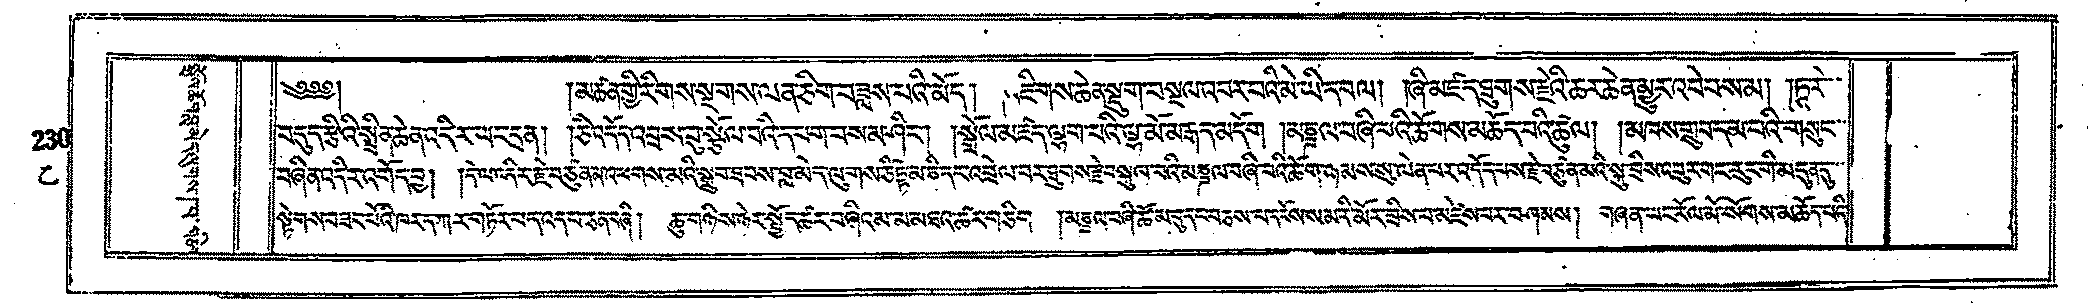༄༅༅། །མཚན་གྱི་རིགས་སྔགས་ལན་ཅིག་བཟླས་པའི་མོད། །འཇིགས་ཆེན་སྡུག་བསྔལ་འབར་བའི་མེ་ཡི་དབལ། །ཞི་མཛད་ཐུགས་རྗེའི་ཆར་ཆེན་མྱུར་འབེབས་མ། །ཏཱ་རེ་་་
བདུད་རྩིའི་སྤྲིན་ཆེན་འདིར་ཡང་དྲན། །ཅི་འདོད་འབྲས་བུ་སྩོལ་བའི་དཔག་བསམ་ཤིང་། །སྒྲོལ་མཛད་ལྷག་པའི་ལྷ་མོ་མྲྒད་མདོག །མཎྜལ་བཞི་པའི་ཆོ་གས་མཆོད་པའི་ཚུལ། །མཁས་གྲུབ་དམ་པའི་གསུང་་་
བཞིན་འདིར་འགོད་བྱ། །དེ་ལ་འདིར་རྗེ་བཙུན་མ་འཕགས་མའི་སྒྲུབ་ཐབས་བླ་མེད་ལུགས་ཙིཏྟ་མ་ཎི་དང་འབྲེལ་བར་ཐུགས་རྗེ་བསྐུལ་བའི་མཎྜལ་བཞི་པའི་ཆོ་ག་ཉམས་སུ་ལེན་པར་འདོད་པས་རྗེ་བཙུན་མའི་སྐུ་བྲིས་འབུར་གང་རུང་གི་མདུན་དུ་་་
སྟེགས་བཟང་པོའི་ཁར་དཀར་གཏོར་པད་འདབ་ཅན་བཞི། ཆུ་གཉིས་ཉེར་སྤྱོད་ཚར་བཞིའམ་མ་མཐའ་ཚར་གཅིག །མཎྜལ་བཞི་ཚོམ་བུ་དང་བཅས་པ་དངོས་སམ་རི་མོར་བྲིས་པ་མཛེས་པར་བཤམས། གཞན་ཡང་རོལ་མོ་སོགས་མཆོད་པའི་